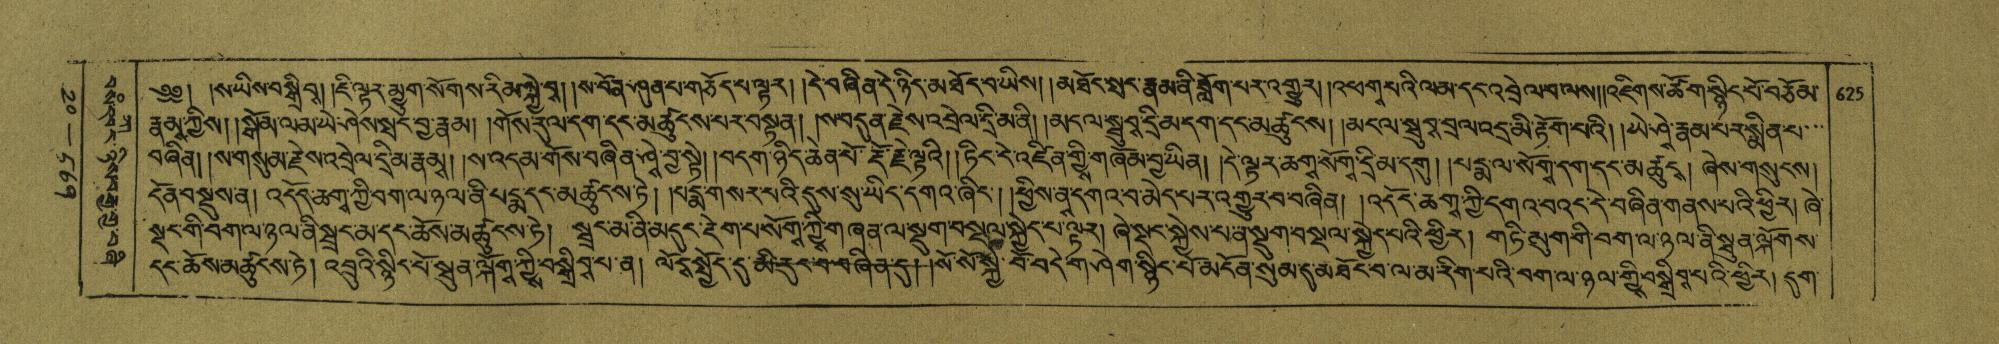༄༅། །ས་ཡིས་བསྒྲིབས། །ཇི་ལྟར་མྱུག་སོགས་རིམ་སྐྱེ་བས། །ས་བོན་ཤུན་པ་གཅོད་པ་ལྟར། །དེ་བཞིན་དེ་ཉིད་མཐོང་བ་ཡིས། །མཐོང་སྤང་རྣམ་ནི་ཟློག་པར་འགྱུར། །འཕགས་པའི་ལམ་དང་འབྲེལ་བ་ལས། །འཇིགས་ཚོག་སྙིང་པོ་བཅོམ་
རྣམས་ཀྱིས། །སྒོམ་ལམ་ཡེ་ཤེས་སྤང་བྱ་རྣམ། །གོས་རུལ་དག་དང་མཚུངས་པར་བསྟན། །ས་བདུན་རྗེས་འབྲེལ་དྲི་མ་ནི། །མངལ་སྦུབས་དྲི་མ་དག་དང་མཚུངས། །མངལ་སྦུབས་བྲལ་འདྲ་མི་རྟོགས་པའི། །ཡེ་ཤེས་རྣམ་པར་སྨིན་པ་
བཞིན། །ས་གསུམ་རྗེས་འབྲེལ་དྲི་མ་རྣམས། །ས་འདམ་གོས་བཞིན་ཤེས་བྱ་སྟེ། །བདག་ཉིད་ཆེན་པོ་རྡོ་རྗེ་ལྟའི། །ཏིང་ངེ་འཛིན་གྱིས་གཞོམ་བྱ་ཡིན། །དེ་ལྟར་ཆགས་སོགས་དྲི་མ་དགུ། །པདམ་ལ་སོགས་དག་དང་མཚུངས། ཞེས་གསུངས།
དོན་བསྡུས་ན། འདོད་ཆགས་ཀྱི་བག་ལ་ཉལ་ནི་པདམ་དང་མཚུངས་ཏེ། །པདམ་གསར་པའི་དུས་སུ་ཡིད་དགའ་ཞིང་། །ཕྱིས་ནས་དགའ་བ་མེད་པར་འགྱུར་བ་བཞིན། །འདོད་ཆགས་ཀྱི་དགའ་བའང་དེ་བཞིན་གནས་པའི་ཕྱིར། ཞེ་
སྡང་གི་བག་ལ་ཉལ་ནི་སྦྲང་མ་དང་ཆོས་མཚུངས་ཏེ། སྦྲང་མ་ནི་མདུང་རྡེག་པ་སོགས་ཀྱིས་གཞན་ལ་སྡུག་བསྔལ་སྐྱེད་པ་ལྟར། ཞེ་སྡང་སྐྱེས་པ་ན་སྡུག་བསྔལ་སྐྱེད་པའི་ཕྱིར། གཏི་མུག་གི་བག་ལ་ཉལ་ནི་སྦུན་ལྐོགས་
དང་ཆོས་མཚུངས་ཏེ། འབྲུའི་སྙིང་པོ་སྦུན་ལྐོགས་ཀྱིས་བསྒྲིབས་པ་ན། ལོངས་སྤྱོད་དུ་མི་རུང་བ་བཞིན་དུ། །སོ་སོ་སྐྱེ་བོ་བདེ་གཤེག་སྙིང་པོ་མངོན་སུམ་དུ་མཐོང་བ་ལ་མ་རིག་པའི་བག་ལ་ཉལ་གྱིས་བསྒྲིབས་པའི་ཕྱིར། དུག་